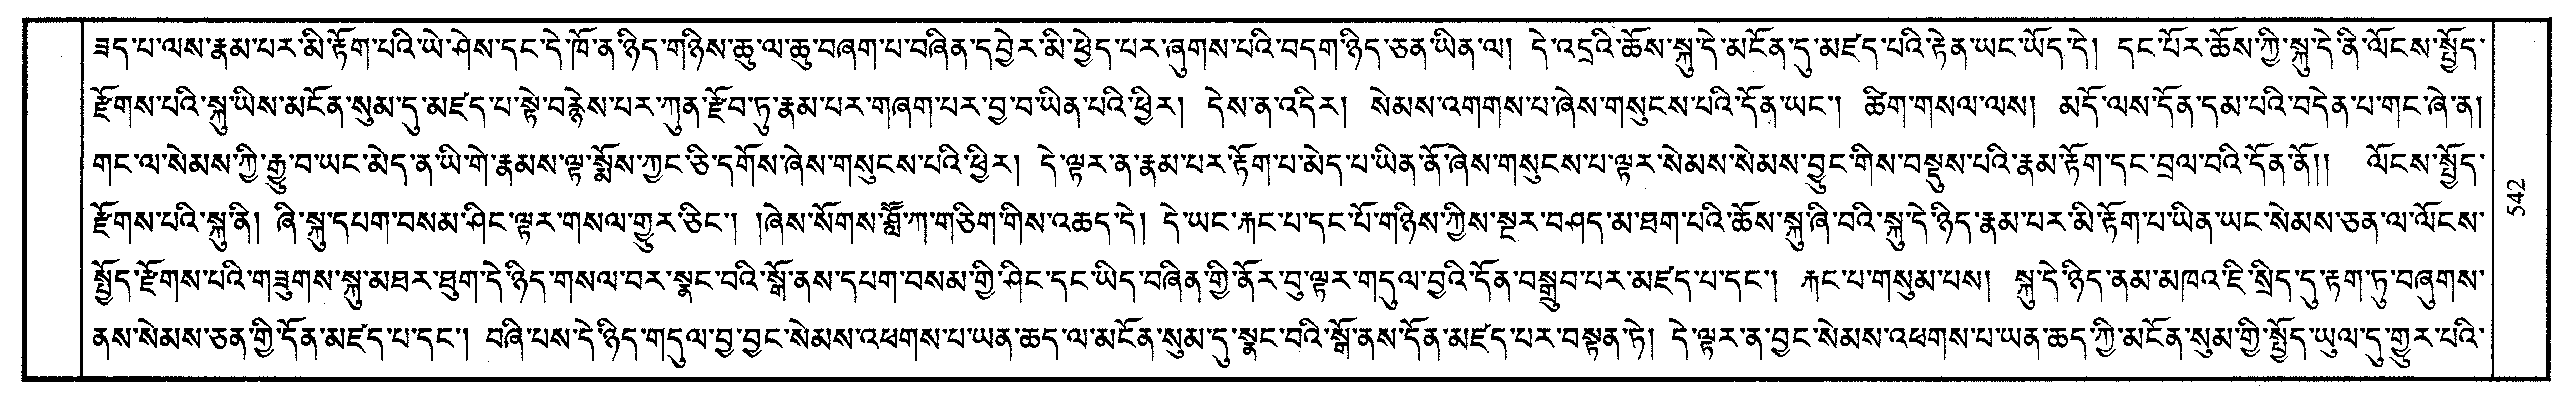ཟད་པ་ལས་རྣམ་པར་མི་རྟོག་པའི་ཡེ་ཤེས་དང་དེ་ཁོ་ན་ཉིད་གཉིས་ཆུ་ལ་ཆུ་བཞག་པ་བཞིན་དབྱེར་མི་ཕྱེད་པར་ཞུགས་པའི་བདག་ཉིད་ཅན་ཡིན་ལ། དེ་འདྲའི་ཆོས་སྐུ་དེ་མངོན་དུ་མཛད་པའི་རྟེན་ཡང་ཡོད་དེ། དང་པོར་ཆོས་ཀྱི་སྐུ་དེ་ནི་ལོངས་སྤྱོད་
རྫོགས་པའི་སྐུ་ཡིས་མངོན་སུམ་དུ་མཛད་པ་སྟེ་བརྙེས་པར་ཀུན་རྫོབ་ཏུ་རྣམ་པར་གཞག་པར་བྱ་བ་ཡིན་པའི་ཕྱིར། དེས་ན་འདིར། སེམས་འགགས་པ་ཞེས་གསུངས་པའི་དོན་ཡང་། ཚིག་གསལ་ལས། མདོ་ལས་དོན་དམ་པའི་བདེན་པ་གང་ཞེ་ན།
གང་ལ་སེམས་ཀྱི་རྒྱུ་བ་ཡང་མེད་ན་ཡི་གེ་རྣམས་ལྟ་སྨོས་ཀྱང་ཅི་དགོས་ཞེས་གསུངས་པའི་ཕྱིར། དེ་ལྟར་ན་རྣམ་པར་རྟོག་པ་མེད་པ་ཡིན་ནོ་ཞེས་གསུངས་པ་ལྟར་སེམས་སེམས་བྱུང་གིས་བསྡུས་པའི་རྣམ་རྟོག་དང་བྲལ་བའི་དོན་ནོ།། ལོངས་སྤྱོད་
རྫོགས་པའི་སྐུ་ནི། ཞི་སྐུ་དཔག་བསམ་ཤིང་ལྟ་གསལ་གྱུར་ཅིང་། །ཞེས་སོགས་ཤླཽ་ཀ་གཅིག་གིས་འཆད་དེ། དེ་ཡང་རྐང་པ་དང་པོ་གཉིས་ཀྱིས་སྔར་བཤད་མ་ཐག་པའི་ཆོས་སྐུ་ཞི་བའི་སྐུ་དེ་ཉིད་རྣམ་པར་མི་རྟོག་པ་ཡིན་ཡང་སེམས་ཅན་ལ་ལོངས་
སྤྱོད་རྫོགས་པའི་གཟུགས་སྐུ་མཐར་ཐུག་དེ་ཉིད་གསལ་བར་སྣང་བའི་སྒོ་ནས་དཔག་བསམ་གྱི་ཤིང་དང་ཡིད་བཞིན་གྱི་ནོར་བུ་ལྟར་གདུལ་བྱའི་དོན་བསྒྲུབ་པར་མཛད་པ་དང་། རྐང་པ་གསུམ་པས། སྐུ་དེ་ཉིད་ནམ་མཁའ་ཇི་སྲིད་དུ་རྟག་ཏུ་བཞུགས་
ནས་སེམས་ཅན་གྱི་དོན་མཛད་པ་དང་། བཞི་པས་དེ་ཉིད་གདུལ་བྱ་བྱང་སེམས་འཕགས་པ་ཡན་ཆད་ལ་མངོན་སུམ་དུ་སྣང་བའི་སྒོ་ནས་དོན་མཛད་པར་བསྟན་ཏེ། དེ་ལྟར་ན་བྱང་སེམས་འཕགས་པ་ཡན་ཆད་ཀྱི་མངོན་སུམ་གྱི་སྤྱོད་ཡུལ་དུ་གྱུར་པའི་